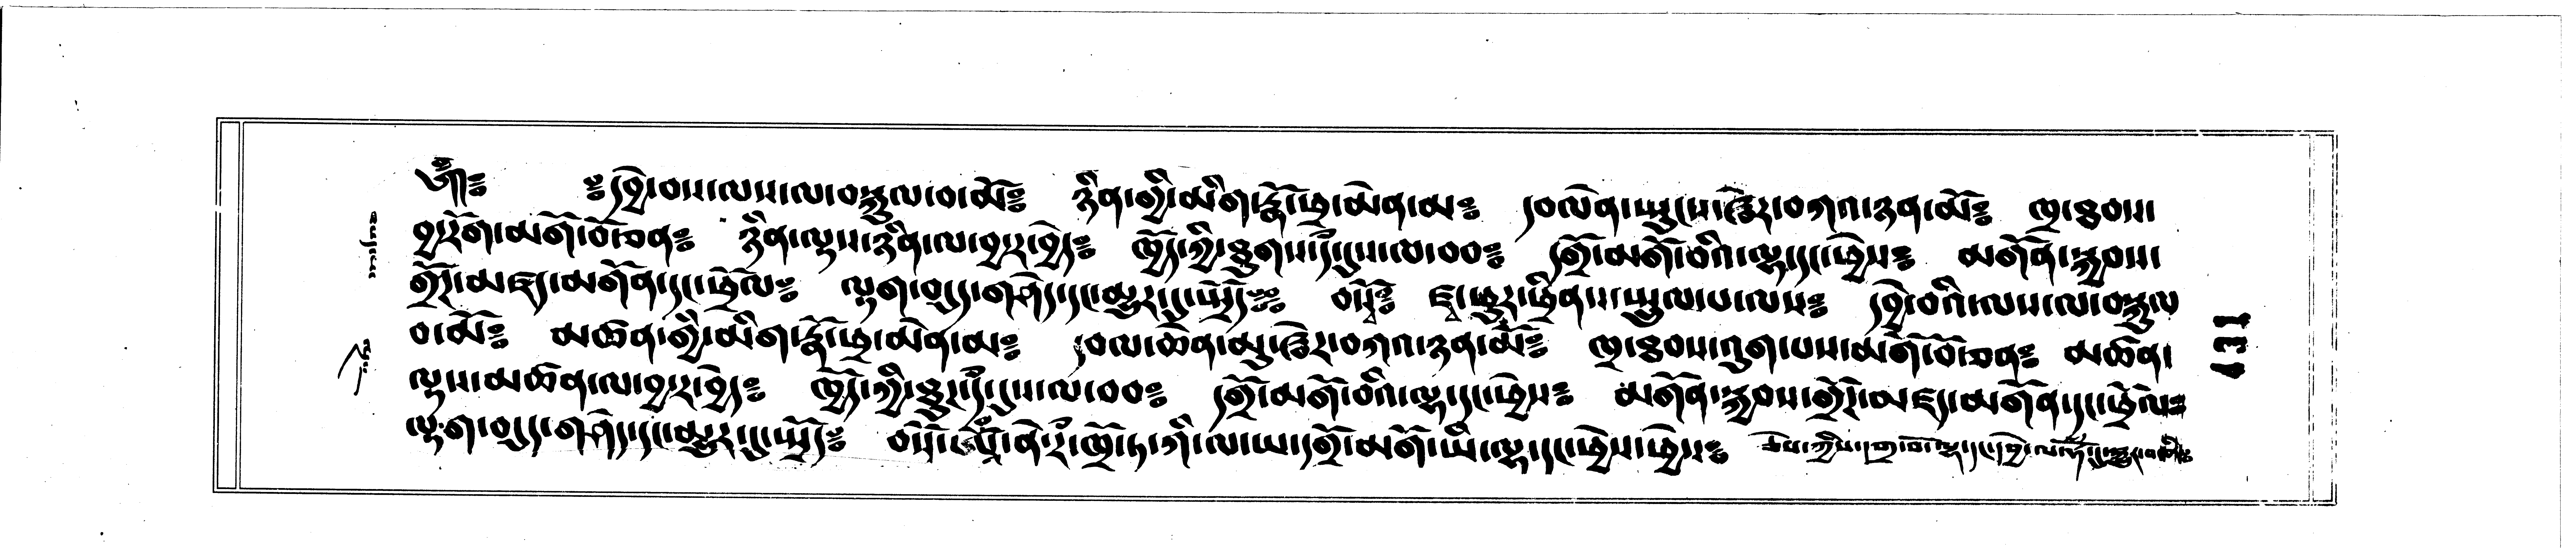༔དབྱེ་བས་ལས་ལ་བསྐུལ་བ་མོ༔ཉིན་གྱི་མིག་རྣོ་ཕྲ་མེན་མ༔དབལ་ཆེན་སྤུངས་ཝེར་བཀའ་ཉན་མོ༔ཁྲ་ཐབས་
བྱ་རོག་མགོ་བོ་ཅན༔ཉིན་ལྟས་ཉིན་ལ་བྱ་ར་བྱེད༔ཁྱོད་ཀྱི་ཐུགས་དམ་དུས་ལ་བབ༔དགྲ་བོ་འགོ་བའི་ལྷ་དང་ཕྱེས༔མགོན་སྐྱབས་
གྲོགས་མཛད་མགོན་དང་ཕྲོལ༔ལྟག་བདུད་གཤེད་དང་མྱུར་དུ་སྤྲོད༔བསྭོ༔ཛྭ་ཕུར་ཕྲིན་ལས་སྤྲུལ་པ་ལས༔དབྱེ་བའི་ལས་ལ་བསྐུལ་
བ་མོ༔མཚན་གྱི་མིག་རྣོ་ཕྲ་མེན་མ༔དབལ་ཆེན་མུ་ཝེར་བཀའ་ཉན་མོ༔ཁྲ་ཐབས་འུག་པས་བགོ་བོ་ཅན༔མཚན་
ལྟས་མཚན་ལ་བྱ་ར་བྱེད༔ཁྱོད་ཀྱི་ཐུགས་དམ་དུས་ལ་བབ༔དགྲ་བོ་མགོ་བའི་ལྷ་དང་ཕྱེས༔མགོན་སྐྱབས་གྲོགས་མཛད་མགོན་དང་ཕྲོལ༔
ལྷག་བདུད་གཤེད་དང་མྱུར་དུ་སྤྲོད༔བསྭོ་ཨཱོཾ་ནེ་རམ་ཁྲོ་ཏ་ཀི་ལ་ཡ་དགྲ་བོ་མགོ་ཡི་ལྷ་དང་ཕྱེས་ཕྱེས༔ཅེས་ཀྱིས་དགྲ་བོ་ལྷ་དང་དབྱེ་ལ་ཧོམ་དུ་སྒྱུར་བ་ནི༔༔